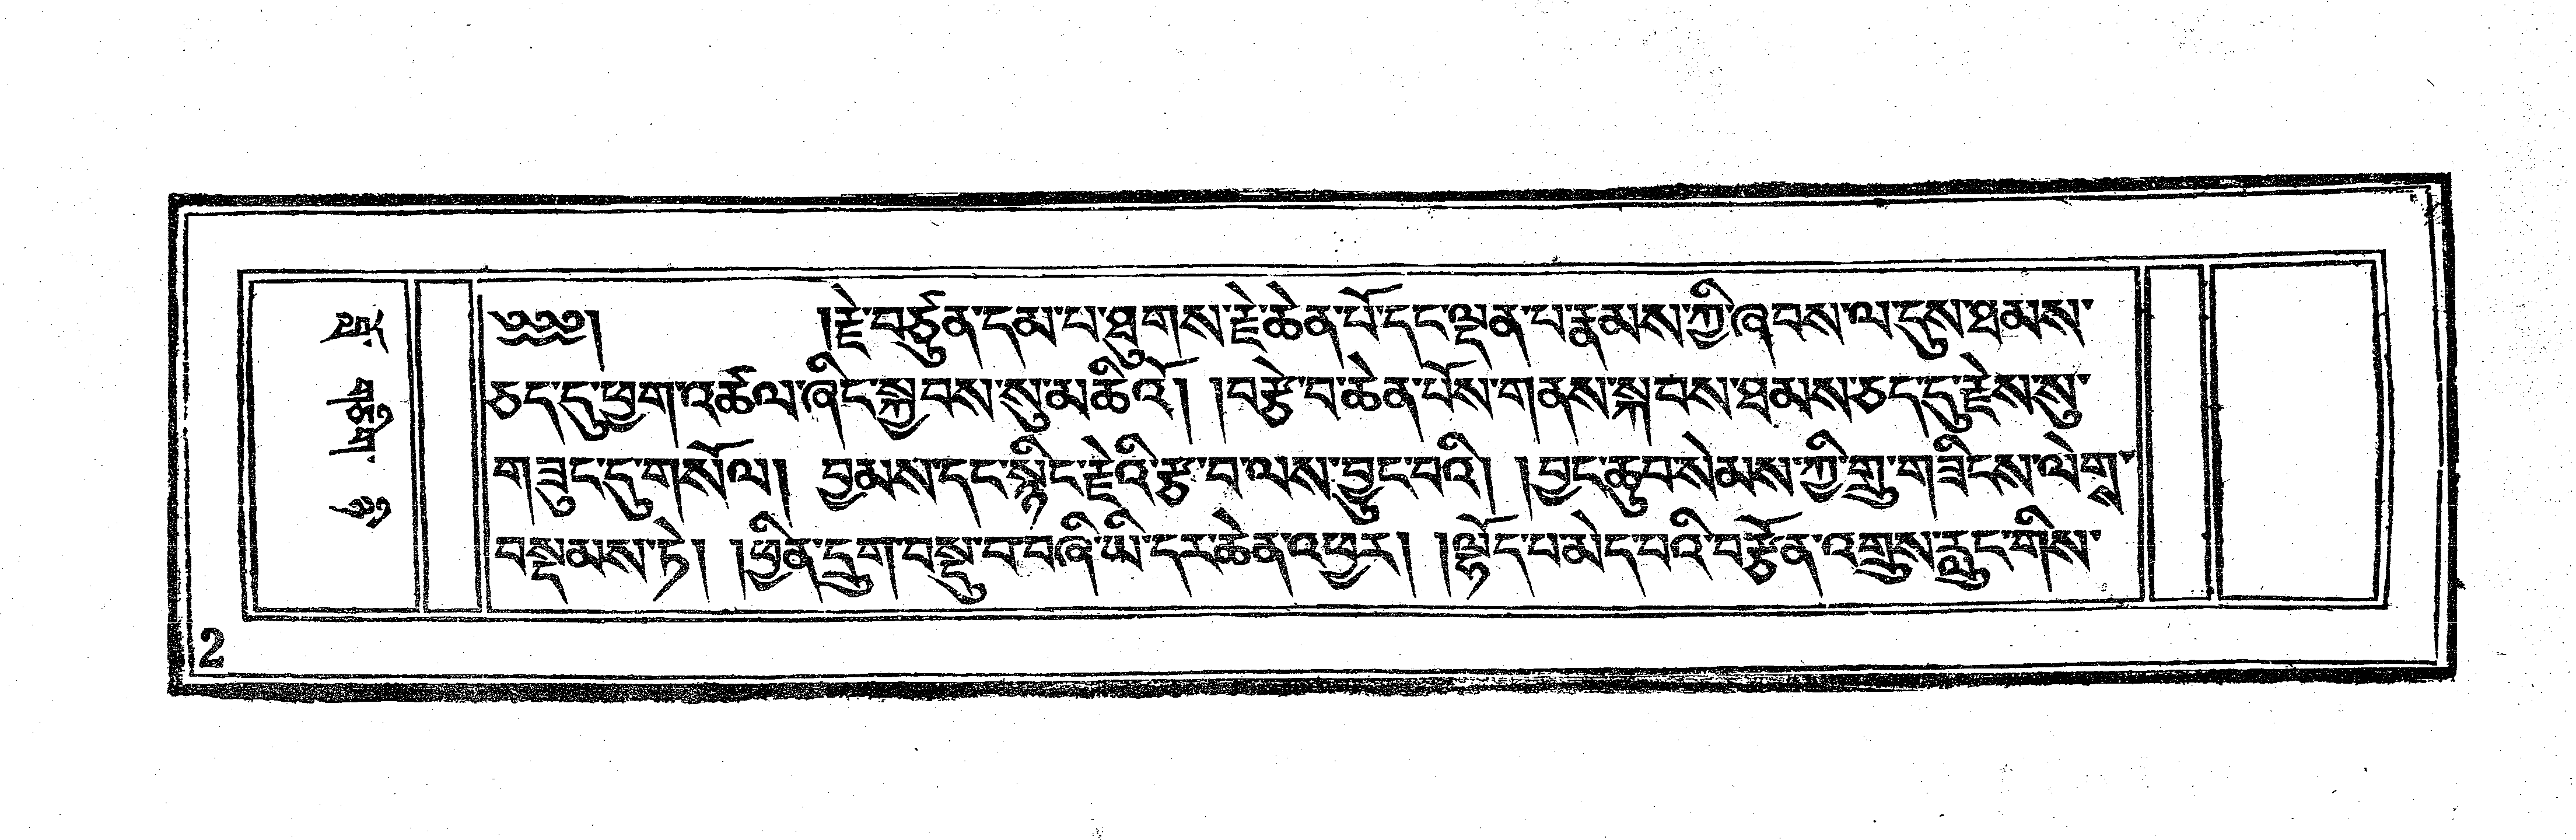༄༅༅། །རྗེ་བཙུན་དམ་པ་ཐུགས་རྗེ་ཆེན་པོ་དང་ལྡན་པ་རྣམས་ཀྱི་ཞབས་ལ་དུས་ཐམས་
ཅད་དུ་ཕྱག་འཚལ་ཞིང་སྐྱབས་སུ་མཆིའོ། །བརྩེ་བ་ཆེན་པོས་གནས་སྐབས་ཐམས་ཅད་དུ་རྗེས་སུ་
གཟུང་དུ་གསོལ། བྱམས་དང་སྙིང་རྗེའི་རྩ་བ་ལས་བྱུང་བའི། །བྱང་ཆུབ་སེམས་ཀྱི་གྲུ་གཟིངས་ལེགས་
བསྡམས་ཏེ། །ཕྱིན་དྲུག་བསྡུ་བ་བཞི་ཡི་དར་ཆེན་འཕྱར། །ལྷོད་པ་མེད་པའི་བརྩོན་འགྲུས་རླུང་གིས་